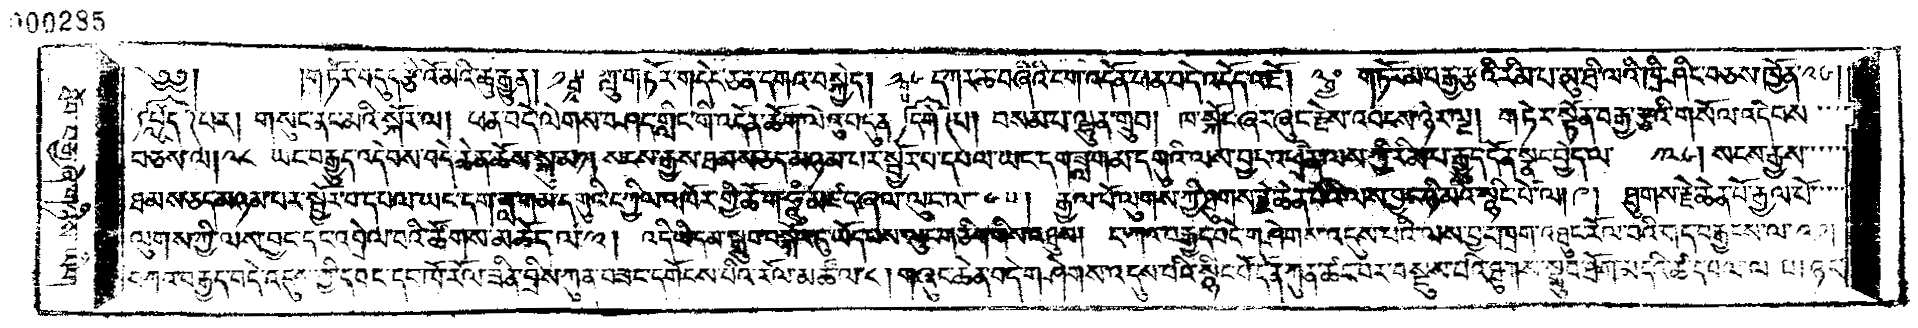༄༅། །གཏོར་བདུད་རྩིའོ་མའི་ཆུ་རྒྱུན། ༡༥བ༢་ཀླུ་གཏོར་གདེང་ཅན་དགའ་བསྐྱེད། ༡༦བ༥་དཀར་ཆ་བཞིའི་ངག་འདོན་ཕན་བདེ་འདོད་འཇོ། ༢༠བ༤་གཏོར་མ་བརྒྱ་རྩའི་རིམ་པ་མུ་ཐི་ལའི་ཁྲི་ཤིང་བཅས་ཁྱོན ༢༦།
༼པོད༢༦༽ པར། གསུང་ནང་མའི་སྐོར་ལ། ཕན་བདེ་ལེགས་བཤད་གླིང་གི་འདོན་ཆོག་ལེའུ་བདུན ༼དགེ༽ པ། བསམ་པ་ལྷུན་གྲུབ། ཁ་སྐོང་ཞར་ཞུང་རྗེས་འབངས་ཉེར་ལྔ། གཏེར་སྟོན་བརྒྱ་རྩའི་གསོལ་འདེབས་
བཅས་ལ། ༢༨་ཡང་བརྒྱུད་འདེབས་བདེ་ཆེན་ཆོས་སྐུ་མ ༡། སངས་རྒྱས་ཐམས་ཅད་མཉམ་པར་སྦྱོར་བ་དཔལ་ཡང་དག་ཟླ་གམ་དགུའི་ལས་བྱང་འཕྲིན་ལས་ཀྱི་རིམ་པ་རྒྱུད་དོན་སྣང་བྱེད་ལ ༣༦། སངས་རྒྱས་
ཐམས་ཅད་མཉམ་པར་སྦྱོར་བ་དཔལ་ཡང་དག་ཟླ་གམ་དགུའི་དཀྱིལ་འཁོར་གྱི་ཆོ་ག་ཧཱུཾ་མཛད་ཞལ་ལུང་ལ ༦༥། རྒྱལ་པོ་ལུགས་ཀྱི་ཐུགས་རྗེ་ཆེན་པོའི་ལས་བྱང་ཉི་མའི་སྙིང་པོ་ལ། ༩། ཐུགས་རྗེ་ཆེན་པོ་རྒྱལ་པོ་
ལུགས་ཀྱི་ལས་བྱང་དང་འབྲེལ་བའི་ཚོགས་མཆོད་ལ ༣། འདི་ཡི་དམ་སྒྲུབ་བསྐོར་དུ་ཡོད་པས་ལུང་གཅིག་གིས་འཐུས།  བཀའ་བརྒྱད་བདེ་གཤེགས་འདུས་པའི་ལས་བྱང་ཁྲག་འཐུང་རོལ་བའི་གད་བརྒྱངས་ལ ༢༡།
བཀའ་བརྒྱད་བདེ་འདུས་ཀྱི་དབང་དང་ཁྲོ་རོལ་ཟིན་བྲིས་ཀུན་བཟང་དགོངས་པའི་རོལ་མཚོ་ལ ༨། གཞུང་ཆེན་བདེ་གཤེགས་འདུས་པའི་སྙིང་པོ་དོན་ཀུན་ཚང་བར་བསྡུས་པའི་ཐུགས་སྒྲུབ་ཐོག་མདའི་ཚ་དཔལ་ལ ༥། ཉང་